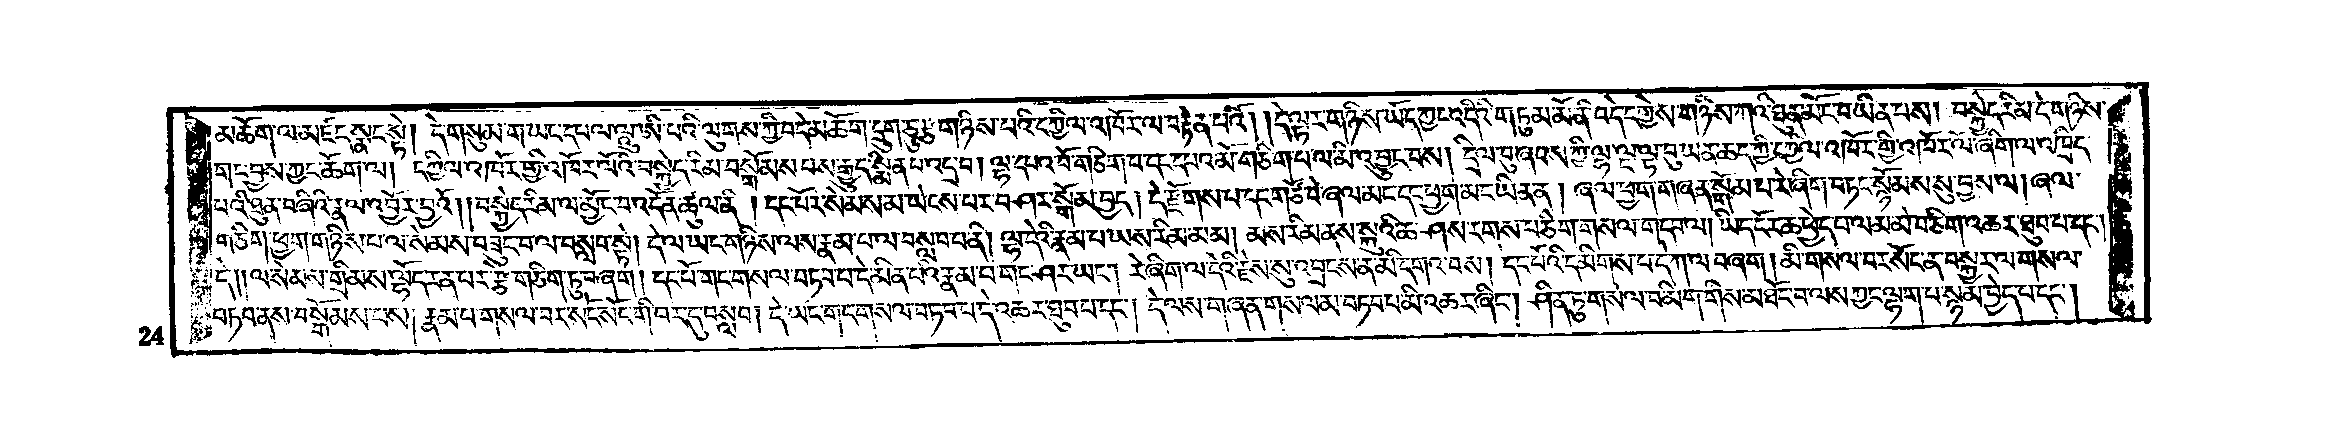མཆོག་ལ་མཛད་སྣང་སྟེ། དེ་གསུམ་ག་ཡང་དཔལ་ལཱུ་ཨི་པའི་ལུགས་ཀྱི་བདེ་མཆོག་དྲུག་ཅུ་རྩ་གཉིས་པའི་དཀྱིལ་འཁོར་ལ་བརྟེན་པའོ། །དེ་ལྟར་གཉིས་ཡོད་ཀྱང་འདིའི་གཏུམ་མོ་ནི་བདེ་དགྱས་གཉིས་ཀའི་ཐུན་མོང་བ་ཡིན་པས། བསྐྱེད་རིམ་དེ་གཉིས་
གང་བྱས་ཀྱང་ཆོག་ལ། དཀྱིལ་འཁོར་གྱི་འཁོར་ལོའི་བསྐྱེད་རིམ་བསྒོམས་པས་རྒྱུད་སྨིན་པ་འདྲ་བ། ལྷ་དཔའ་བོ་གཅིག་པ་དང་དཔའ་མོ་གཅིག་པ་ལ་མི་འབྱུང་བས། དྲིལ་བུ་ཞབས་ཀྱི་ལྷ་ལྔ་ལྟ་བུ་ཡན་ཆད་ཀྱི་དཀྱིལ་འཁོར་གྱི་འཁོར་ལོ་ཞིག་ལ་འཁྲིད་
པའི་ཐུན་བཞིའི་རྣལ་འབྱོར་བྱའོ། །བསྐྱེད་རིམ་ལ་མྱོང་བ་འདོན་ཚུལ་ནི། དང་པོར་སེམས་མ་ཡེངས་པར་བཤར་སྒོམ་བྱད། དེ་རྫོགས་པ་དང་གཙོ་བོ་ཞལ་མང་དང་ཕྱག་མང་ཡིན་ན། ཞལ་ཕྱག་གཞན་སྒོམ་པ་རེ་ཞིག་བཏང་སྙོམས་སུ་བྱས་ལ། ཞལ་
གཅིག་ཕྱག་གཉིས་པ་ལ་སེམས་བཟུང་བ་ལ་བསླབ་སྟེ། དེ་ལ་ཡང་གཉིས་ལས་རྣམ་པ་ལ་བསླབ་པ་ནི། ལྷ་དེའི་རྣམ་པ་ཡས་རིམ་མམ། མས་རིམ་ནས་སྐུའི་ཆ་ཤས་རགས་པ་ཅིག་གསལ་གདབ་ལ། ཡིད་ངོར་ཆ་ཕྱེད་པ་ལམ་མེ་བ་ཅིག་འཆར་ཐུབ་པ་དང་།
དེ་གལ་སེམས་གྲིམས་ལྷོད་རན་པར་རྩེ་གཅིག་ཏུ་བཞག །དང་པོ་གང་གསལ་བཏབ་པ་དེ་མིན་པའི་རྣམ་པ་གང་ཤར་ཡང་། རེ་ཞིག་ལ་དེའི་རྗེས་སུ་འབྲངས་ན་མི་དགའ་བས། དང་པོའི་དམིགས་པ་དེ་ཀ་ལ་བཞག། མི་གསལ་བར་སོང་ནས་བསྐྱར་ལ་གསལ་
བཏབ་ནས། བསྒོམས་པས། རྣམ་པ་གསལ་བར་སོང་སོང་གི་བར་དུ་བསླབ། དེ་ཡང་ག་གསལ་བཏབ་པ་དེ་འཆར་ཐུབ་དང་། དེ་ལས་གཞན་གསལ་མ་བཏབ་པ་མི་འཆར་ཞིང་། ཤིན་ཏུ་གསལ་བ་མིག་གིས་མཐོང་བ་ལས་ཀྱང་ལྷག་པ་སྙམ་བྱེད་པ་དང་།